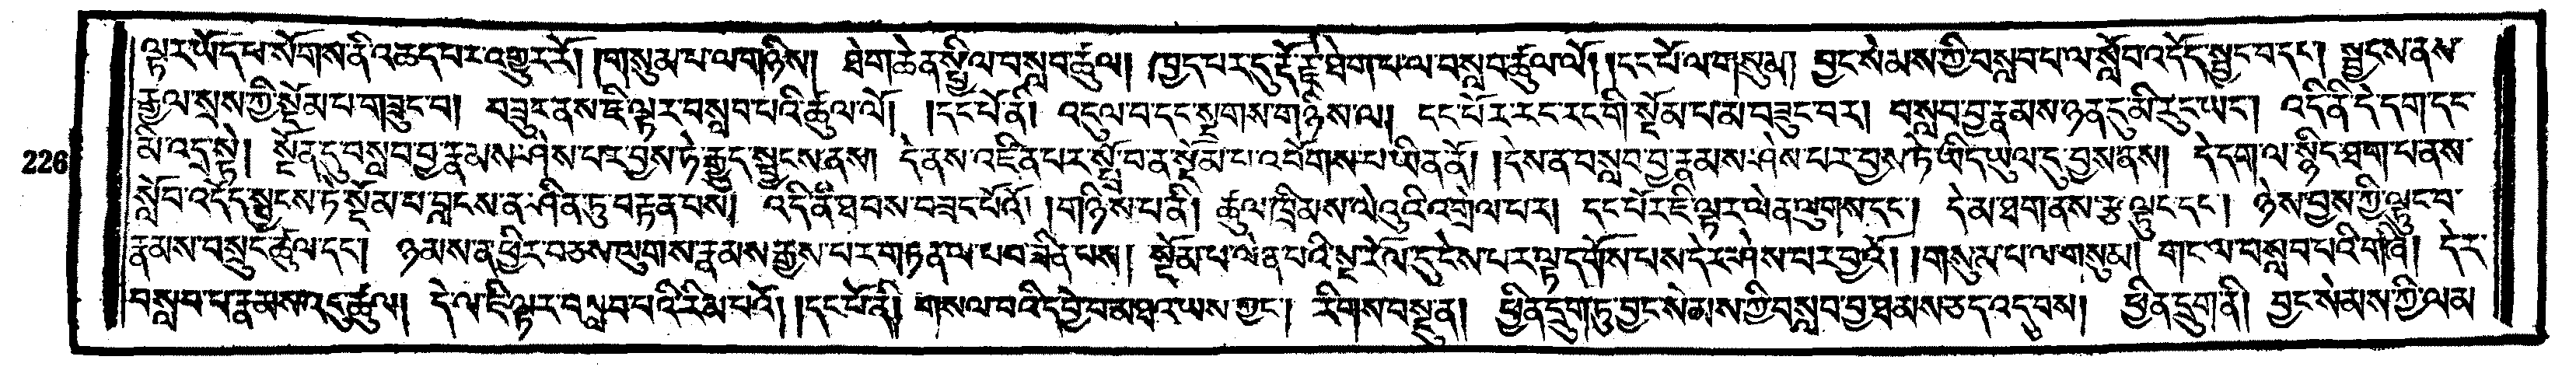ལྟར་ཡོད་ཕ་སོགས་ནི་འཆད་པར་འགྱུར་རོ། །གསུམ་པ་ལ་གཉིས། ཐེག་ཆེན་སྤྱིལ་བསླབ་ཚུལ། ཁྱད་པར་དུ་རྡོ་རྗེ་ཐེག་པ་ལ་བསླབ་ཚུལ་ལོ། །དང་པོ་ལ་གསུམ། བྱང་སེམས་ཀྱི་བསླབ་པ་ལ་སློབ་འདོད་སྦྱང་བ་དང་། སྦྱངས་ནས་
རྒྱལ་སྲས་ཀྱི་སྡོམ་པ་གཟུང་བ། བཟུར་ནས་ཇི་ལྟར་བསླབ་པའི་ཚུལ་ལོ། །དང་པོ་ནི། འདུལ་བ་དང་སྔགས་གཉིས་ལ། དང་པོར་རང་རང་གི་སྔོམ་པ་མ་བཟུང་བར། བསླབ་བྱ་རྣམས་ཉན་དུ་མི་རུང་ཡང་། འདི་ནི་དེ་དག་དང་
མི་འདྲ་སྟེ། སྔོན་དུ་བསླབ་བྱ་རྣམས་ཤེས་པར་བྱས་ཏེ་རྒྱུད་སྦྱངས་ནས། དེ་ནས་འཛིན་པར་སྤྲོ་བ་ན་སྡོམ་པ་འབོགས་པ་ཡིན་ནོ། །དེས་ན་བསླབ་བྱ་རྣམས་ཤེས་པར་བྱས་ཏེ་ཡིད་ཡུལ་དུ་བྱས་ནས། དེ་དག་ལ་སྙིང་ཐག་པ་ནས་
སློབ་འདོད་སྦྱངས་ཏེ་སྔོམ་པ་བླངས་ན་ཤིན་ཏུ་བརྟན་པས། འདི་ནི་ཐབས་བཟང་པོའོ། །གཉིས་པ་ནི། ཚུལ་ཁྲིམས་ལེའུའི་འགྲེལ་པར། དང་པོར་ཇི་ལྟར་ལེན་ལུགས་དང་། དེ་མ་ཐག་ནས་རྩ་ལྷུང་དང་། ཉེས་བྱས་ཀྱི་ལྟུང་བ་
རྣམས་བསྲུང་ཚུལ་དང་། ཉམས་ན་ཕྱིར་བཅས་ལུགས་རྣམས་རྒྱས་པར་གཏན་ལ་བབ་ཟིན་པས། སྡོམ་པ་ལེན་པའི་སྔ་རོལ་དུ་ངེས་པར་ལྟ་དགོས་པས་དེར་ཤེས་པར་བྱའོ། །གསུམ་པ་ལ་གསུམ། གང་ལ་བསླབ་པའི་གཞི། དེར་
བསླབ་པ་རྣམས་འདུ་ཚུལ། དེ་ལ་ཇི་ལྟར་བསླབ་པའི་རིམ་པའོ། །དང་པོ་ནི། གསལ་བའི་དབྱེ་བ་མཐའ་ཡས་ཀྱང་། རིགས་བསྡུ་ན། ཕྱིན་དྲུག་ཏུ་བྱང་སེམས་ཀྱི་བསླབ་བྱ་ཐམས་ཅད་འདུ་བས། ཕྱིན་དྲུག་ནི། བྱང་སེམས་ཀྱི་ལམ་